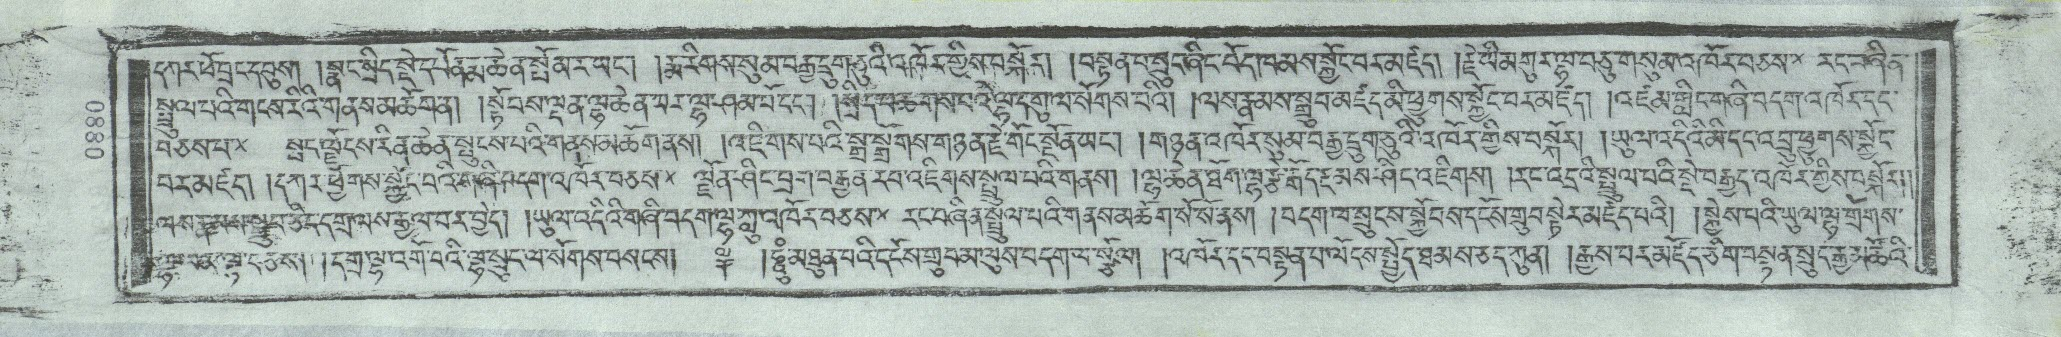དཀར་ཕོ་བྲང་དབུས། །སྣང་སྲིད་སྡེ་དཔོན་རྨ་ཆེན་སྤོམ་མར་ཡང་། །རྨ་རིགས་སུམ་བརྒྱ་དྲུག་ཅུའི་འཁོར་གྱིས་བསྐོར། །བསྟན་པ་སྲུང་ཞིང་བོད་ཁམས་སྐྱོང་བར་མཛད། །རྗེ་ཡི་མགུར་ལྷ་བཅུ་གསུམ་འཁོར་བཅས་྾་རང་བཞིན་
སྤྲུལ་པའི་གངས་རིའི་གནས་མཆོག་ན། །སྟོབས་ལྡན་ལྷ་ཆེན་པར་ལྷ་ཤམ་པོ་དང་། །སྲིད་བ་ཆགས་པའི་ལྷ་དགུ་ལ་སོགས་པའི། །ལས་རྣམས་སྒྲུབ་མཛད་མི་ཕྱུགས་སྐྱོང་བར་མཛད། །འཛམ་གླིང་གཞི་བདག་འཁོར་དང་
བཅས་པ་྾་སྤང་ལྗོངས་རིན་ཆེན་སྤུངས་པའི་གནས་མཆོག་ནས། །འཇིགས་པའི་སྒྲ་སྒྲོགས་གཉན་རྗེ་གོང་སྔོན་ཡང་། །གཉན་འཁོར་སུམ་བརྒྱ་དྲུག་ཅུའི་འཁོར་གྱིས་བསྐོར། །ཡུལ་འདིའི་མི་དང་འབྲུ་ཕྱུགས་སྐྱོང་
བར་མཛད། །དཀར་ཕྱོགས་སྐྱོང་བའི་གཞི་བདག་འཁོར་བཅས་྾་ལྗོན་ཤིང་བྲག་བརྒྱན་རབ་འཇིགས་སྤྲུལ་པའི་གནས། །ལྷ་ཆེན་ཐོག་ལྷ་རྩེ་རྒོད་རྔམས་ཤིང་འཇིགས། །རང་འདྲའི་སྤྲུལ་པའི་སྡེ་བརྒྱད་འཁོར་གྱིས་བསྐོར།།
ལས་རྣམས་སྒྲུབ་ཅིང་དགྲ་ལས་རྒྱལ་བར་བྱེད། །ཡུལ་འདིའི་གཞི་བདག་ལྷ་ཀླུ་འཁོར་བཅས་྾་རང་བཞིན་སྤྲུལ་པའི་གནས་མཆོག་སོ་སོ་ནས། །བདག་ལ་སྲུངས་སྐྱོབས་དངོས་གྲུབ་སྟེར་མཛད་པའི། །སྐྱེས་པའི་ཡུལ་ལྷ་གྲོགས་
ལྷ་ལམ་ལྷ་བཅས། །དགྲ་ལྷ་འགོ་བའི་ལྷ་སྲུང་ལ་སོགས་བསངས། ༈ །ཧཱུཾ་མཐུན་པའི་དངོས་གྲུབ་མ་ལུས་ལུས་བདག་ལ་སྩོལ། །འཁོར་དང་བསྟན་པ་ལོངས་སྤྱོད་ཐམས་ཅད་ཀུན། །རྒྱས་པར་མཛོད་ཅིག་བསྟན་སྲུང་རྒྱ་མཆོའི་